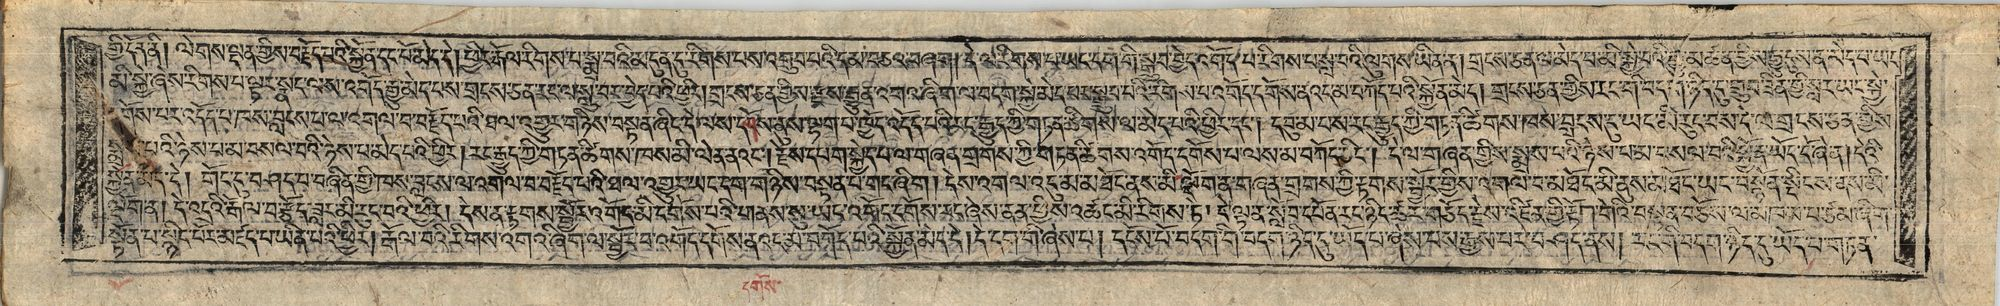གྱི་དོན་ནི། ལེགས་ལྡན་གྱིས་བརྗོད་པའི་སྐྱོན་དང་པོ་མེད་དེ། ཕྱིར་རྒོལ་རིགས་པ་སྨྲ་བའི་མདུན་དུ་རིགས་པས་འགྲུབ་པའི་དམ་བཅའ་བཞག །དེ་ལ་རིགས་པ་ཡང་དག་གི་སྒྲུབ་བྱེད་འགོད་པ་རིགས་པ་སྨྲ་བའི་ལུགས་ཡིན་ན། གྲངས་ཅན་ལ་མེད་པ་མི་སྐྱེ་བའི་རྒྱུ་མཚན་གྱིས་རྒྱུ་དུས་ན་མེད་པ་ཡང་
མི་སྐྱེ་ཞེས་རིགས་པ་ལྟར་སྣང་ལས་འགོད་རྒྱུ་མེད་པས་གྲངས་ཅན་རང་ལ་སླུ་བར་བྱེད་པའི་ཕྱིར། གྲངས་ཅན་གྱིས་རྫས་རྒྱུན་འགའ་ཞིག་ལ་བདག་སྐྱེ་མེད་པར་སྒྲུབ་པའི་རིགས་པ་འགོད་དགོས་ནའང་མ་བཀོད་པའི་སྐྱོན་མེད། གྲངས་ཅན་གྱིས་རང་གི་བདག་ཉིད་དུ་གྲུབ་ཟིན་གྱི་སླར་ཡང་སྐྱེ་
དགོས་པར་འདོད་པ་ཁས་བླངས་པ་ལ་འགལ་བ་བརྗོད་པའི་ཐལ་འགྱུར་གཉིས་བསྟན་ཞིང་དེ་ལས་དགོས་ནུས་ལྷག་པ་ཁྱོད་འདོད་པའི་རང་རྒྱུད་ཀྱི་གཏན་ཚིགས་ལ་མེད་པའི་ཕྱིར་དང་། དབུ་མ་པས་རང་རྒྱུད་ཀྱི་གཏན་ཚིགས་ཁས་བླངས་དུ་ཡང་མི་རུང་བས་དེ་ལ་གྲངས་ཅན་གྱིས་
སྨྲས་པའི་ཉེས་པ་མ་བསལ་བའི་ཉེས་པ་མེད་པའི་ཕྱིར། རང་རྒྱུད་ཀྱི་གཏན་ཚིགས་ཁས་མི་ལེན་ནའང་། རྗེས་དཔག་སྐྱེད་པ་ལ་གཞན་གྲགས་ཀྱི་གཏན་ཚིགས་འགོད་དགོས་པ་ལས་མ་བཀོད་ཅིང་། དེ་ལ་གཞན་གྱིས་སྨྲས་པའི་ཉེས་པ་མ་བསལ་བའི་སྐྱོན་ཡོད་དོ་ཞེ་ན། དེའི་
སྐྱོན་མེད་དེ། གོང་དུ་བཤད་པ་བཞིན་གྱི་ཁས་བླངས་ལ་འགལ་བ་བརྗོད་པའི་ཐལ་འགྱུར་ཡང་དག་གཉིས་བསྟན་པོ་གང་ཞིག །དེས་འགལ་འདུ་མ་མཐོང་ནས་མི་ལྡོག་ན་གཞན་གྲགས་ཀྱི་རྟགས་སྦྱོར་གྱིས་འགལ་བ་མཐོང་མི་ནུས་མཐོང་ཡང་བསྙོན་སྡིངྶྣས་མི་
ལྡོག་ན། དེ་འདྲའི་རྒོལ་བ་རྩོད་ཟླརྨི་རུང་བའི་ཕྱིར། དེས་ན་རྟགས་སྦྱོར་འགོད་མི་དགོས་པའི་གནས་སུ་ཡང་འགོད་དགོས་རང་ཞེས་ནན་གྱིས་འཚང་མི་རིགས་ཏེ། དེ་ལྟ་ན་སློབ་དཔོན་རང་ཉིད་ཚར་གཅོད་རྗེས་འཛིན་གྱི་རྟོག་གེའི་བསྟན་བཅོས་ལ་མཁས་པ་ཙམ་ཞིག་
སྟོན་པ་སྙིང་པོར་མཛད་པ་ཡིན་པའི་ཕྱིར། རྒོལ་བའི་རིགས་འགའ་ཞིག་ལ་སྦྱོར་བ་འགོད་དགོས་ནའང་མ་བཀོད་པའི་སྐྱོན་མེད་དེ། དེ་དག་གི་ཞེས་པ། དངོས་པོ་བདག་གི་བདག་ཉིད་དུ་ཡོད་པ་ཞེས་པས་རྒྱས་པར་བཤད་ནས། རང་གི་བདག་ཉིད་དུ་ཡོད་པ་གཏན་